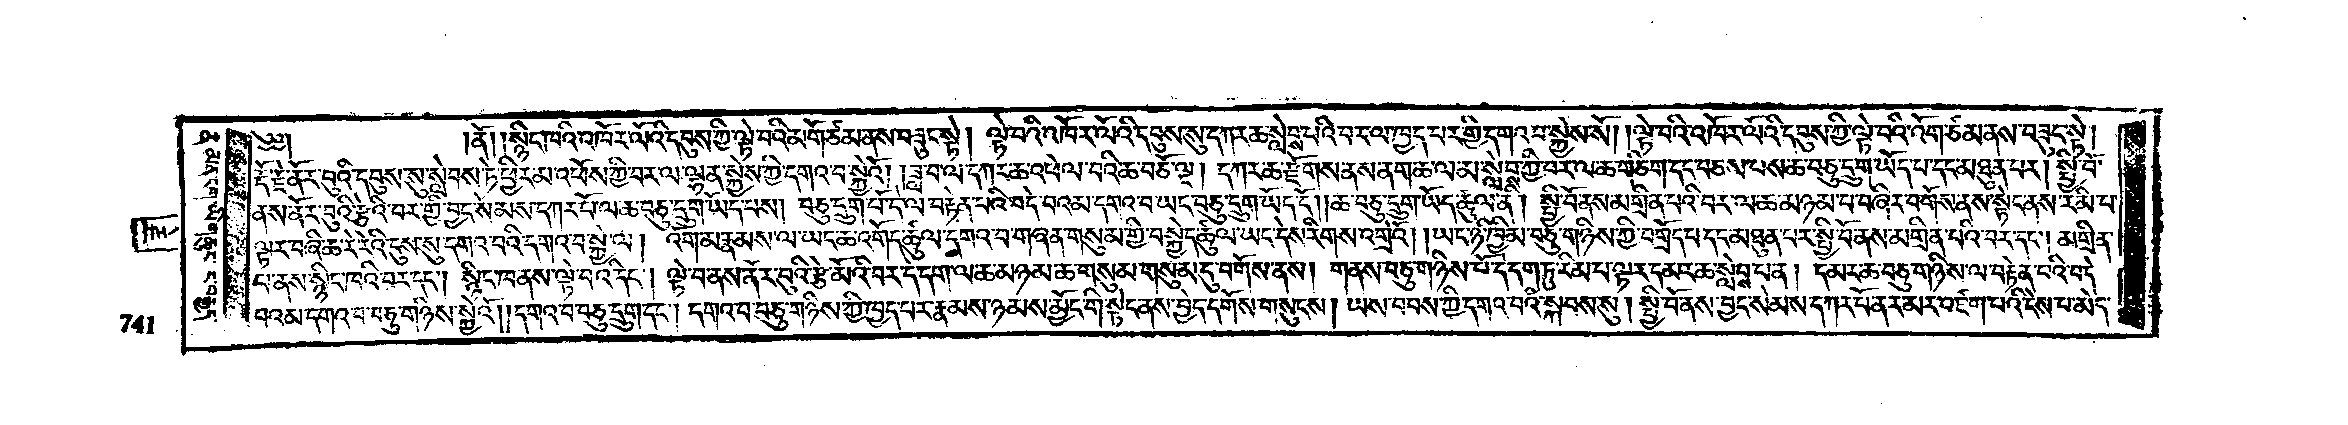༄༅། །ནོ། །སྙིང་ཁའི་འཁོར་ལོའི་དབུས་ཀྱི་ལྟེ་བའི་མགོ་ཙམ་ནས་བཟུང་སྟེ། ལྟེ་བའི་འཁོར་ལོའི་དབུས་སུ་དཀར་ཆ་སླེབས་པའི་བར་ལ་ཁྱད་པར་གྱི་དགའ་བ་སྐྱེས་སོ། །ལྟེ་བའི་འཁོར་ལོའི་དབུས་ཀྱི་ལྟེ་བའི་འོག་ཙམ་ནས་བཟུང་སྟེ།
རྡོ་རྗེ་ནོར་བུའི་དབུས་སུ་སླེབས་ཏེ་ཕྱིར་མ་འཕོས་ཀྱི་བར་ལ་ལྷན་སྐྱེས་ཀྱི་དགའ་བ་སྐྱེའོ། །ཟླ་བ་ལ་དཀར་ཆ་འཕེལ་བའི་ཆ་བཅོ་ལྔ། དཀར་ཆ་རྫོགས་ནས་ནག་ཆ་ལ་མ་སླེབས་ཀྱི་བར་ལ་ཆ་གཅིག་དང་བཅས་པས་ཆ་བཅུ་དྲུག་ཡོད་པ་དང་མཐུན་པར། སྤྱི་བོ་
ནས་ནོར་བུའི་རྩེའི་བར་གྱི་བྱང་སེམས་དཀར་པོ་ལ་ཆ་བཅུ་དྲུག་ཡོད་པས། བཅུ་དྲུག་པོ་དེ་ལ་བརྟེན་པའི་བདེ་བའམ་དགའ་བ་ཡང་བཅུ་དྲུག་ཡོད་དོ། །ཆ་བཅུ་དྲུག་ཡོད་ཚུལ་ནི། སྤྱི་བོ་ནས་མགྲིན་པའི་བར་ལ་ཆ་མཉམ་པ་བཞིར་བགོས་ནས་སྟེང་ནས་རིམ་པ་
ལྟར་བཞི་ཆ་རེ་རེའི་དུས་སུ་དགའ་བའི་དགའ་བ་སྐྱེ་ལ། འོག་མ་རྣམས་ལ་ཡང་ཆ་འགོད་ཚུལ་དགའ་བ་གཞན་གསུམ་གྱི་བསྐྱེད་ཚུལ་ཡང་དེས་རིགས་འགྲེའོ། །ཡང་ཉི་ཁྱིམ་བཅུ་གཉིས་ཀྱི་བགྲོད་པ་དང་མཐུན་པར་སྤྱི་བོ་ནས་མགྲིན་པའི་བར་དང་། མགྲིན་
པ་ནས་སྙིང་ཁའི་བར་དང་། སྙིང་ཁ་ནས་ལྟེ་བའི་དང་། ལྟེ་བ་ནས་ནོར་བུའི་རྩེ་མོའི་བར་དེ་དག་ལ་ཆ་མཉམ་ཆ་གསུམ་གསུམ་དུ་བགོས་ནས། གནས་བཅུ་གཉིས་པོ་དེ་དག་ཏུ་རིམ་པ་ལྟར་དམར་ཆ་སླེབས་པ་ན། དམར་ཆ་བཅུ་གཉིས་ལ་བརྟེན་པའི་བདེ་
བའམ་དགའ་བ་བཅུ་གཉིས་སྐྱེའོ། །དགའ་བ་བཅུ་དྲུག་དང་། དགའ་བ་བཅུ་གཉིས་ཀྱི་ཁྱད་པར་རྣམས་ཉམས་མྱོང་གི་སྟེང་ནས་བྱེད་དགོས་གསུངས། ཡས་བབས་ཀྱི་དགའ་བའི་སྐབས་སུ། སྤྱི་བོ་ནས་བྱང་སེམས་དཀར་པོ་ནར་མར་འཛག་པའི་ངེས་པ་མེད་